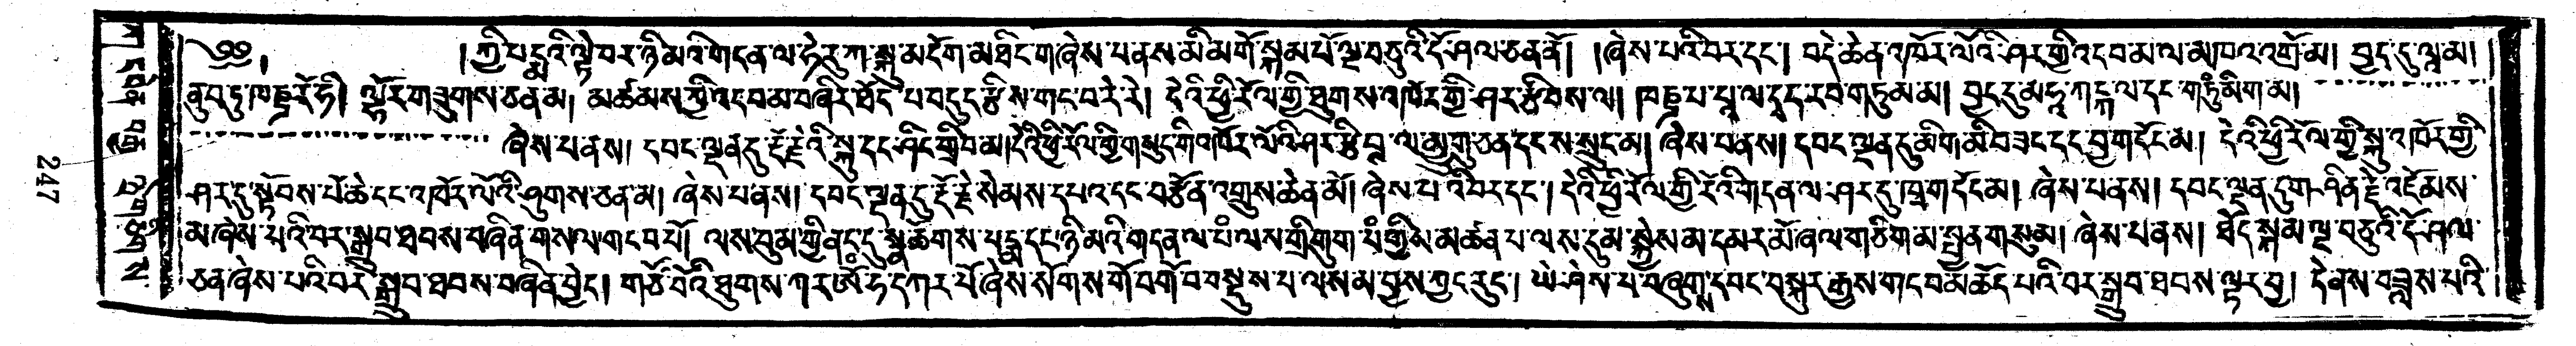༄༅། །ཀྱི་པདམའི་ལྟེ་བར་ཉི་མའི་གདན་ལ་ཧེ་རུ་ཀ་སྐུ་མདོག་མཐིང་ག་ཞེས་པ་ནས་མི་མགོ་སྐམ་པོ་ལྔ་བཅུའི་དོ་ཤལ་ཅན་ནོ། །ཞེས་པའི་བར་དང་། བདེ་ཆེན་འཁོར་ལོའི་ཤར་གྱི་འདབ་མ་ལ་མཁའ་འགྲོ་མ། བྱང་དུ་ལཱ་མ།
ནུབ་ཏུ་ཁཎྜ་རོ་ཧི། ལྷོར་གཟུགས་ཅན་མ། མཚམས་ཀྱི་འདབ་མ་བཞིར་ཐོད་པ་བདུད་རྩིས་གང་བ་རེ་རེ། དེའི་ཕྱི་རོལ་གྱི་ཐུགས་འཁོར་གྱི་ཤར་རྩིབས་ལ། ཁཎྜ་པ་པཱ་ལ་དྭད་རབ་གཏུམ་མ། བྱང་དུ་མཧཱ་ཀངྐ་ལ་དང་གཏུཾ་མིག་མ།
ཞེས་པ་ནས། དབང་ལྡན་དུ་རྡོ་རྗེའི་སྐུ་དང་ཤིང་གྲིབ་མ། དེའི་ཕྱིར་རོལ་གྱི་གསུང་གི་འཁོར་ལོའི་ཤར་རྩིབས་ལ་མྱུ་གུ་ཅན་དང་ས་སྲུང་མ། ཞེས་པ་ནས། དབང་ལྡན་དུ་མིག་མི་བཟང་དང་བྱ་གདོང་མ། དེའི་ཕྱི་རོལ་གྱི་སྐུ་འཁོར་གྱི་
ཤར་དུ་སྟོབས་པོ་ཆེ་དང་འཁོར་ལོའི་ཤུགས་ཅན་མ། ཞེས་པ་ནས། དབང་ལྡན་དུ་རྡོ་རྗེ་སེམས་དཔའ་དང་བརྩོན་འགྲུས་ཆེན་མོ། ཞེས་པའི་བར་དང་། དེའི་ཕྱི་རོལ་གྱི་རོའི་གདན་ལ་ཤར་དུ་ཁྲ་གདོང་མ། ཞེས་པ་ནས། དབང་ལྡན་དུ་གཤིན་རྗེ་འཇོམས་
མ་ཞེས་པའི་བར་སྒྲུབ་ཐབས་བཞིན་གསལ་གདབ་པོ། ལས་བུམ་གྱི་ནང་དུ་སྣ་ཚོགས་པདམ་དང་ཉི་མའི་གདན་ལ་པཾ་ལས་གྲི་གུག་པཾ་གྱིས་མཚན་པ་ལས་དུམ་སྐྱེས་མ་དམར་མོ་ཞལ་གཅིག་མ་སྤྱན་གསུམ། ཞེས་པ་ནས། ཐོད་སྐམ་ལྔ་བཅུའི་ངོ་ཤལ་
ཅན་ཞེས་པའི་བར་སྒྲུབ་ཐབས་བཞིན་བྱེད། གཙོ་བོའི་ཐུགས་ཀར་ཨོཾ་ཧ་དཀར་པོ་ཞེས་སོགས་གོ་བགོ་བ་བསྡུས་པ་ལས་མ་བྱས་ཀྱང་རུང་། ཡེ་ཤེས་པ་བཞུགས་དབང་བསྐུར་རྒྱས་གདབ་མཆོད་པའི་བར་སྒྲུབ་ཐབས་ལྟར་བྱ། དེ་ནས་བཟླས་པའི་